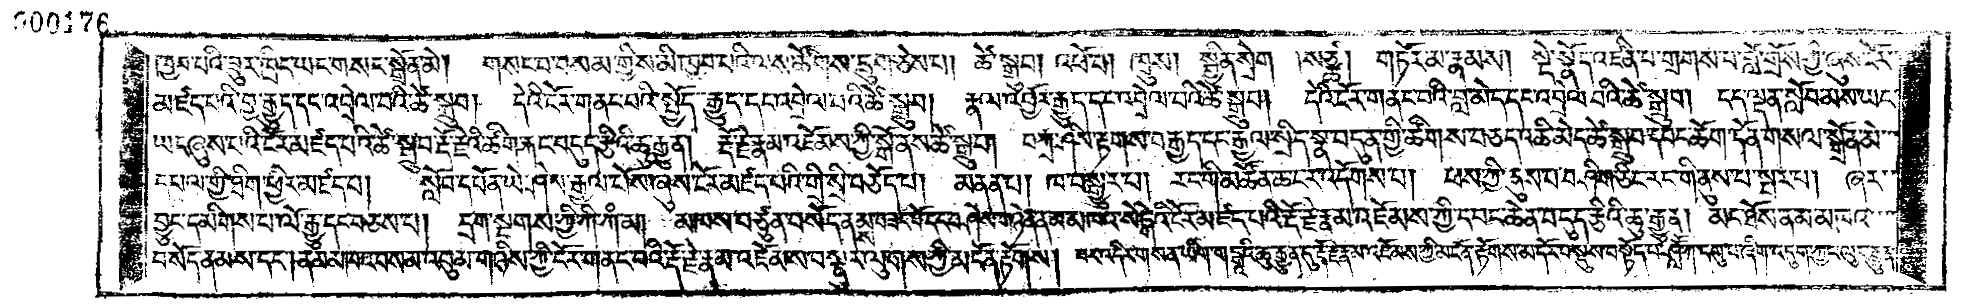ཁྱབ་པའི་ཟུར་ཁྲིད་ཡང་གསང་སྒྲོན་མེ། གསང་བ་བསམ་གྱིས་མི་ཁྱབ་པའི་ལས་ཚོགས་དྲུག་ཅེས་པ། ཚེ་སྒྲུབ། འཕོ་བ། ཁྲུས། སྦྱིན་སྲེག །སཙྪ། གཏོར་མ་རྣམས། སྡེ་སྣོད་འཛིན་པ་གྲགས་པ་བློ་གྲོས་ཀྱི་ཞུས་ངོར་
མཛད་པའི་བྱ་རྒྱུད་དང་འབྲེལ་བའི་ཚེ་སྒྲུབ། དེའི་ངོར་གནང་བའི་སྤྱོད་རྒྱུད་དང་འབྲེལ་བའི་ཚེ་སྒྲུབ། རྣལ་འབྱོར་རྒྱུད་དང་འབྲེལ་བའི་ཚེ་སྒྲུབ། དེའི་ངོར་གནང་བའི་བླ་མེད་དང་འབྲེལ་བའི་ཚེ་སྒྲུབ། དད་ལྡན་སློབ་མས་ཡང་
ཡང་ཞུས་པའི་ངོར་མཛད་པའི་ཚེ་སྒྲུབ་རྡོ་རྗེའི་ཚིག་རྐང་བདུད་རྩིའི་ཆུ་རྒྱུན། རྡོ་རྗེ་རྣམ་འཇོམས་ཀྱི་སྒོ་ནས་ཚེ་སྒྲུབ། བཀྲ་ཤིས་རྟགས་བརྒྱད་དང་རྒྱལ་སྲིད་སྣ་བདུན་གྱི་ཚིགས་བཅད་འཆི་མེད་ཚེ་སྒྲུབ་དབང་ཆོག་དོན་གསལ་སྒྲོན་མེ་
དཔལ་གྱི་ཐིག་ཕྱིར་མཛད་པ། སློབ་དཔོན་ཡེ་ཤེས་རྒྱལ་པོས་ཞུས་ངོར་མཛད་པའི་གྲི་སྲི་བཅོད་པ། མནན་པ། ཁ་བསྒྱུར་བ། རང་གི་མཚོན་ཆ་ངར་འདོགས་པ། ཕས་ཀྱི་ནུས་པ་བཤིག་ཅིང་རང་གི་ནུས་པ་སྤར་པ། ཞར་
བྱུང་དམིགས་པ་ལོ་རྒྱུ་དང་བཅས་པ། དྲག་སྔགས་ཀྱི་ཀི་ཀཾ་མ། མཁས་བཙུན་བསོད་ནམས་བཟང་པོ་དང་བཤེས་གཉེན་ནམ་མཁའ་སེངྒེའི་ངོར་མཛད་པའི་རྡོ་རྗེ་རྣམ་འཇོམས་ཀྱི་དབང་ཆེན་བདུད་རྩིའི་ཆུ་རྒྱུན། མང་ཐོས་ནམ་མཁའ་
བསོད་ནམས་དང་། ནམ་མཁའ་བསམ་འབུམ་གཉིས་ཀྱི་ངོར་གནང་བའི་རྡོ་རྗེ་རྣམ་འཇོམས་བསྣུར་ལུགས་ཀྱི་མངོན་རྟོགས། བར་འདིར་གསན་ཡིག་གངྒཱའི་ཆུ་རྒྱུན་དུ་རྡོ་རྗེ་རྣམ་འཇོམས་ཀྱི་མངོན་རྟོགས་མདོར་བསྡུས་བསྟོད་པ་ཤླཽཀ་དགུ་པ་ཞིག་འདུག་ཀྱང་ལུང་རྒྱུན།